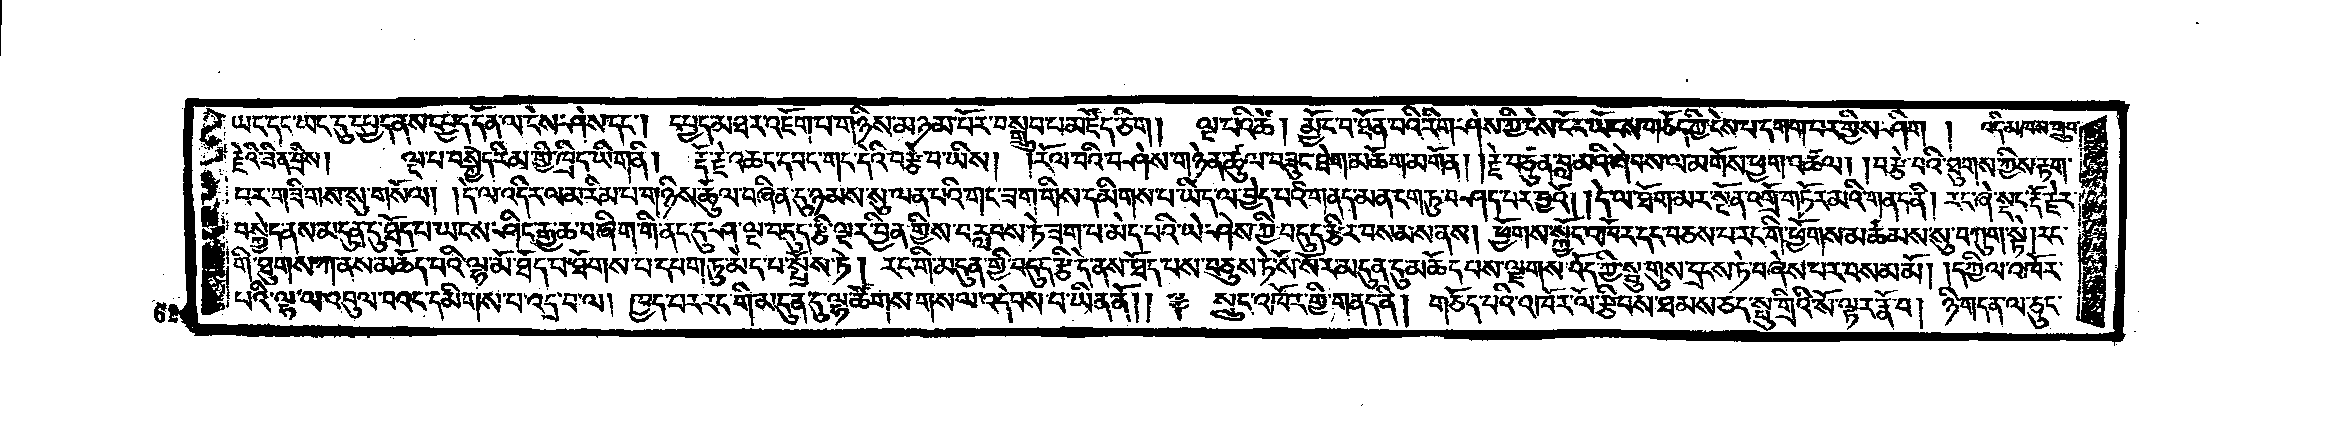ཡང་དང་ཡང་དུ་དཔྱད་ནས་དཔྱད་དོན་ལ་ངེས་ཤེས་དང་། དཔྱད་མཐར་འཇོག་པ་གཉིས་མཉམ་པོར་བསྒྲུབ་པ་མཛད་ཅིག །ལྔ་པའི་ཚེ། མྱོང་བ་ཐོན་པའི་རིག་ཤེས་ཀྱི་ངེས་ངོར་ཡོངས་གཅོད་ཀྱི་ངེས་པ་དགག་པར་གྱིས་ཤིག །འདི་མཁས་གྲུབ་
རྗེའི་ཟིན་བྲིས། ལྔ་པ་བསྐྱད་རིམ་གྱི་ཁྲིད་ཡིག་ནི། རྡོ་རྗེ་འཆང་དབང་གང་དེའི་བརྩེ་བ་ཡིས། །རོལ་བའི་བཤེས་གཉེན་ཚུལ་བཟུང་ཐེག་མཆོག་མགོན། །རྗེ་བཙུན་བླ་མའི་ཞབས་ལ་མགོས་ཕྱག་འཚལ། །བརྟེ་བའི་ཐུགས་ཀྱིས་རྟག་
པར་གཟིགས་སུ་གསོལ། །དེ་ལ་འདིར་ལམ་རིམ་པ་གཉིས་ཚུལ་བཞིན་དུ་ཉམས་སུ་ལན་པའི་གང་ཟག་གིས་དམིགས་པ་ཡིད་ལ་བྱེད་པའི་གནད་མན་ངག་ཏུ་བཤད་པར་བྱའོ། །དེ་ལ་ཐོག་མར་སྔོན་འགྲོ་གཏོར་མའི་གནད་ནི། རང་ཞེ་སྡང་རྡོ་རྗེར་
བསྐྱེད་ནས་མདུན་དུ་ཐོད་པ་ཡངས་ཤིང་རྒྱ་ཆེ་བ་ཞིག་གི་ནང་དུ་ཤ་ལྔ་བདུད་རྩི་ལྟར་བྱིན་གྱིས་བརླབས་ཏེ་ཟག་པ་མེད་པའི་ཡེ་ཤས་ཀྱི་བདུད་རྩིར་བསམས་ནས། ཕྱོགས་སྐྱོང་འཁོར་དང་བཅས་པ་རང་གི་ཕྱོགས་མཚམས་སུ་བཀུག་སྟེ། རང་
གི་ཐུགས་ཀ་ནས་མཆོད་པའི་ལྷ་མོ་ཐོད་པ་ཐོགས་པ་དཔག་ཏུ་མེད་པ་སྤྲོས་ཏེ། རང་གི་མདུན་གྱི་བདུད་རྩེ་དེ་ནས་ཐོད་པས་བཅུས་ཏེ་སོ་སོར་མདུན་དུ་མཆོད་པས་ལྔགས་འོད་ཀྱི་སྦུ་གུས་དྲངས་ཏེ་བཞེས་པར་བསམ་མོ། །དཀྱིལ་འཁོར་
པའི་ལྷ་ལ་འབུལ་བའང་དམིགས་པ་འདྲ་བ་ལ། ཁྱད་པར་རང་གི་མདུན་དུ་ལྷ་ཚོགས་གསལ་འདེབས་པ་ཡིན་ནོ།། ༈ སྲུང་འཁོར་གྱི་གནད་ནི། གཅོད་པའི་འཁོར་ལོ་རྩིབས་ཐམས་ཅད་སྤུ་གྲིའི་སོ་ལྟར་རྣོ་བ། ཉི་གདན་ལ་ཅུང་